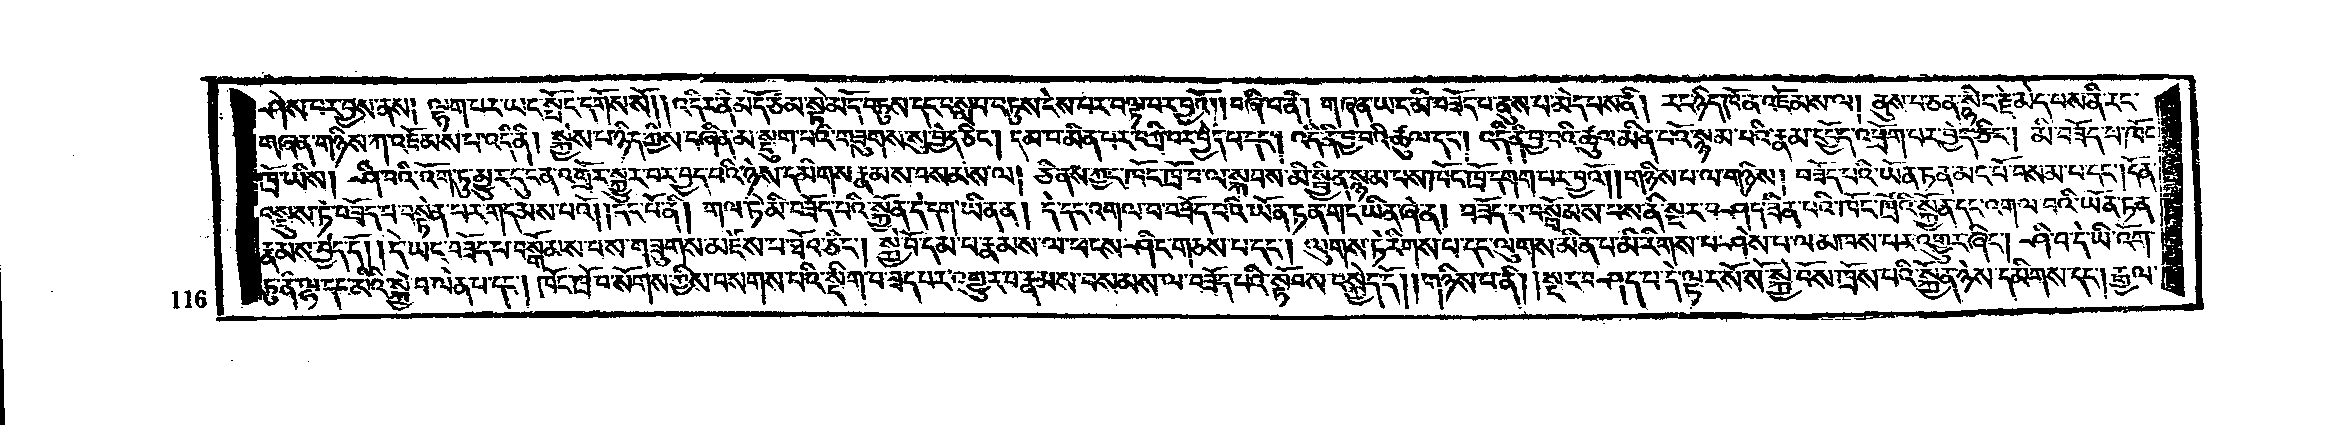ཤེས་པར་བྱས་ནས། ལྷག་པར་ཡང་སྤོང་དགོས་སོ། །འདིར་ནི་མདོ་ཙམ་སྟེ་མདོ་བཏུས་དང་བསླབ་བཏུས་ངེས་པར་བལྟ་བར་བྱའོ། །བཞི་པ་ནི། གཞན་ཡང་མི་བཟོད་པ་ནུས་པ་མེད་པས་ནི། རང་ཉིད་ཁོ་ན་འཇོམས་ལ། ནུས་པ་ཅན་སྙིང་རྗེ་མེད་པས་ནི་རང་
གཞན་གཉིས་ཀ་འཇོམས་པ་འདི་ནི། སྐྱེས་པ་ཉིད་ཀྱིས་བཞིན་མི་སྡུག་པའི་གཟུགས་སུ་བྱེད་ཅིང་། དམ་པ་མིན་པར་བཀྲི་བར་བྱེད་པ་དང་། འདི་ནི་བྱ་བའི་ཚུལ་དང་། འདི་ནི་བྱ་བའི་ཚུལ་མིན་པའོ་སྙམ་པའི་རྣམ་དཔྱོད་འཕྲོག་པར་བྱེད་ཅིང་། མི་བཟོད་པ་ཁོང་
ཁྲོ་ཡིས། ཤི་བའི་འོག་ཏུ་མྱུར་དུ་ངན་འགྲོར་སྐྱུར་བར་བྱེད་པའི་ཉེས་དམིགས་རྣམས་བསམས་ལ། ཅི་ནས་ཀྱང་ཁོང་ཁྲོ་བ་ལ་སྐབས་མི་སྦྱིན་སྙམ་པས་ཁོང་ཁྲོ་དགག་པར་བྱའོ། །གཉིས་པ་ལ་གཉིས། བཟོད་པའི་ཡོན་ཏན་མང་པོ་བསམ་པ་དང་། དོན་
བསྡུས་ཏེ་བཟོད་པ་བསྟེན་པར་གདམས་པའོ། །དང་པོ་ནི། གལ་ཏེ་མི་བཟོད་པའི་སྐྱོན་དེ་དག་ཡིན་ན། དེ་དང་འགལ་བ་བཟོད་པའི་ཡོན་ཏན་གང་ཡིན་ཞེ་ན། བཟོད་པ་བསྒོམས་པས་ནི་སྔར་བཤད་ཟིན་པའི་ཁོང་ཁྲོའི་སྐྱོན་དང་འགལ་བའི་ཡོན་ཏན་
རྣམས་བྱེད་དོ། །དེ་ཡང་བཟོད་པ་བསྒོམས་པས་གཟུགས་མཛེས་པ་ཐོབ་ཅིང་། སྐྱེ་བོ་དམ་པ་རྣམས་ལ་ཕངས་ཤིང་གཅེས་པ་དང་། ལུགས་ཏེ་རིགས་པ་དང་ལུགས་མིན་པ་མི་རིགས་པ་ཤེས་པ་ལ་མཁས་པར་འགྱུར་ཞིང་། ཤི་བ་དེ་ཡི་འོག་
ཏུ་ནི་ལྷ་དང་མིའི་སྐྱེ་བ་ལེན་པ་དང་། ཁོང་ཁྲོ་བ་སོགས་ཀྱིས་བསགས་པའི་སྡིག་པ་ཟད་པར་འགྱུར་བ་རྣམས་བསམས་ལ་བཟོད་པའི་སྟོབས་བསྐྱེད་དོ། །གཉིས་པ་ནི། སྔར་བཤད་པ་དེ་ལྟར་སོ་སོ་སྐྱེ་བོས་ཁྲོས་པའི་སྐྱོན་ཉེས་དམིགས་དང་། རྒྱལ་